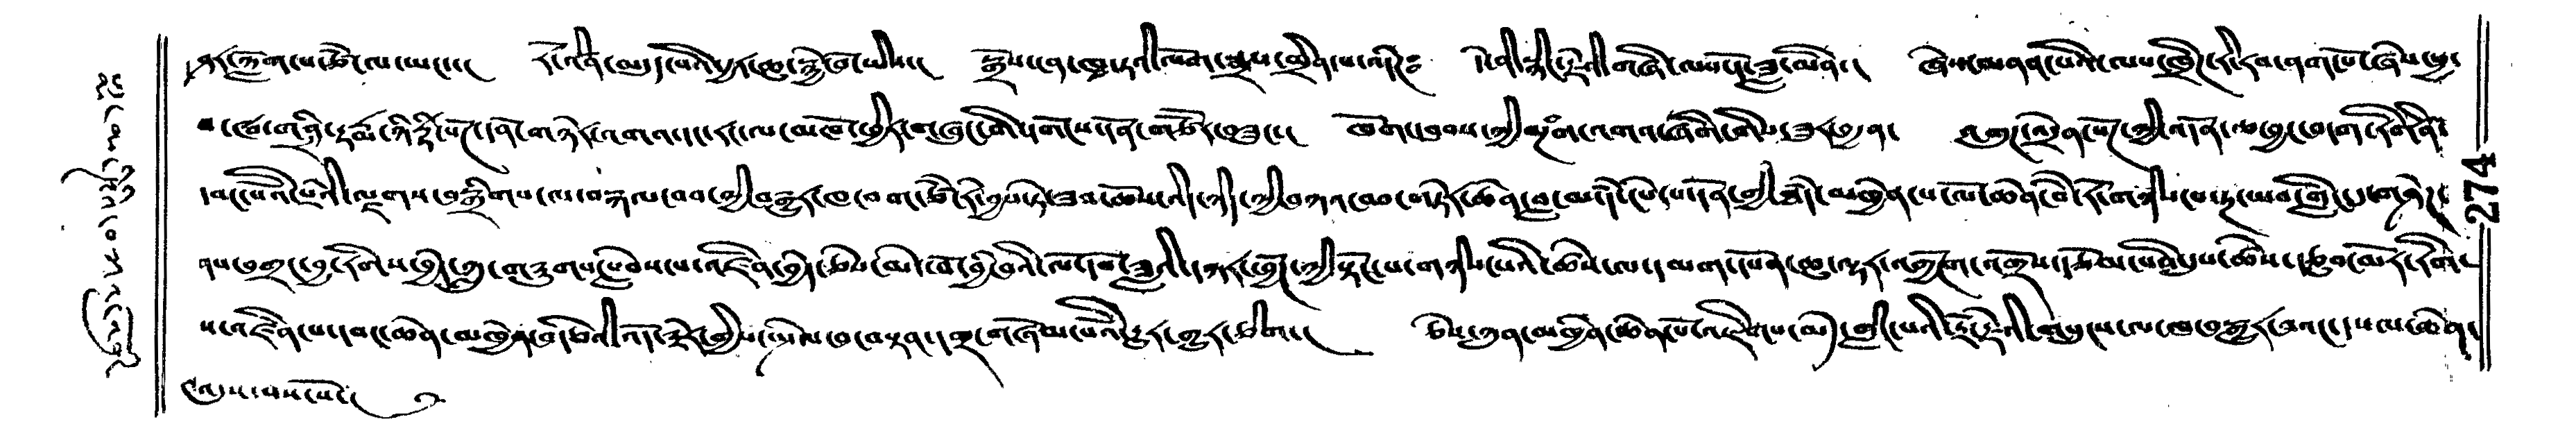ཤར་ཀློག་པ་ཙམ་ལ་ཡང་། །རོ་འཛིན་མདུད་པའི་རྒྱར་ཆུ་སྐྱེ་བོ་ཡིས། །སྒྲོས་ངན་ཁྭ་ཏའི་ལོག་སྒྲས་མགྲིན་པ་འདེགས། །དེ་ནི་སྙིང་རྗེའི་གཞི་ལས་དོ་ཟླ་མིན། །ཞེས་མནན་པའི་ལས་ཁྲིགས་རི་རབ་ནག་པོ་ཞེས་བྱ་
བ་ཝ་གནྡྲི་དྷརྨ་ཀིརྟི་སོགས་དོན་གཉེར་ཅན་འགའ་དང་རང་ལ་མཁོ་ཕྱིར་གཞུང་གི་དགོངས་དོན་གཙོར་བཟུང་། ཁོག་དབུབས་ཀྱི་སྔགས་འགའ་ཞིག་གིས་ཟུར་བརྒྱན། འགུགས་འདྲེན་སོགས་ཀྱི་འདོན་ཆ་བྱང་བདག་རིག་འཛིན་
དབང་པོའི་སྡེའི་ལྗགས་བསྒྲིགས་ལ་སྐབས་བབས་ཀྱི་སྒྱུར་ཁ་བག་ཙམ་རེ་བྱས་ཏེ་ཟབ་ཆོས་འདི་ཉིད་ཀྱི་བཀའ་བབས་གཏེར་ཆེན་བླ་མ་དམ་པ་ངེས་པ་དོན་གྱི་ཐམས་ཅད་མཁྱེན་པ་ལོ་ཆེན་བཻ་རོ་གཉིས་པ་རྔ་ཡབ་གླིང་དུ་གཤེགས་
ནས་བགྲང་བྱ་རིགས་བྱེད་ཀླུ་གཟུགས་བསླེབས་པ་འཛིན་བྱེད་ཅེས་པ་མེད་ཕོ་བྱི་བའི་ལོ་དབོ་ཟླའི་དཀར་ཕྱོགས་ཀྱི་སྟོང་པ་གཉིས་པའི་ཚེས་ལ་དམག་དཔོན་ཆུ་ལྟར་འགྱོགས་འགྲོས་རྩོམ་པའི་དུས་ཚེས་རྩུབ་མོར་རིག་
པ་འཛིན་པ་དབང་ཆེན་མཁྱེན་བརྩེའི་འོད་ཟེར་གྱིས་སྤེལ་བ་བསྟན་དགྲ་གཞོམ་པའི་རྒྱུར་གྱུར་ཅིག ཅེས་ཀུན་མཁྱེན་ཆེན་པོ་འཇིགས་མེད་གླིང་པའི་རྡོ་རྗེའི་གསུང་ལ་ཁ་བསྒྱུར་བའང་དཔལ་ཆེན་
འདུས་པས་སོ།།